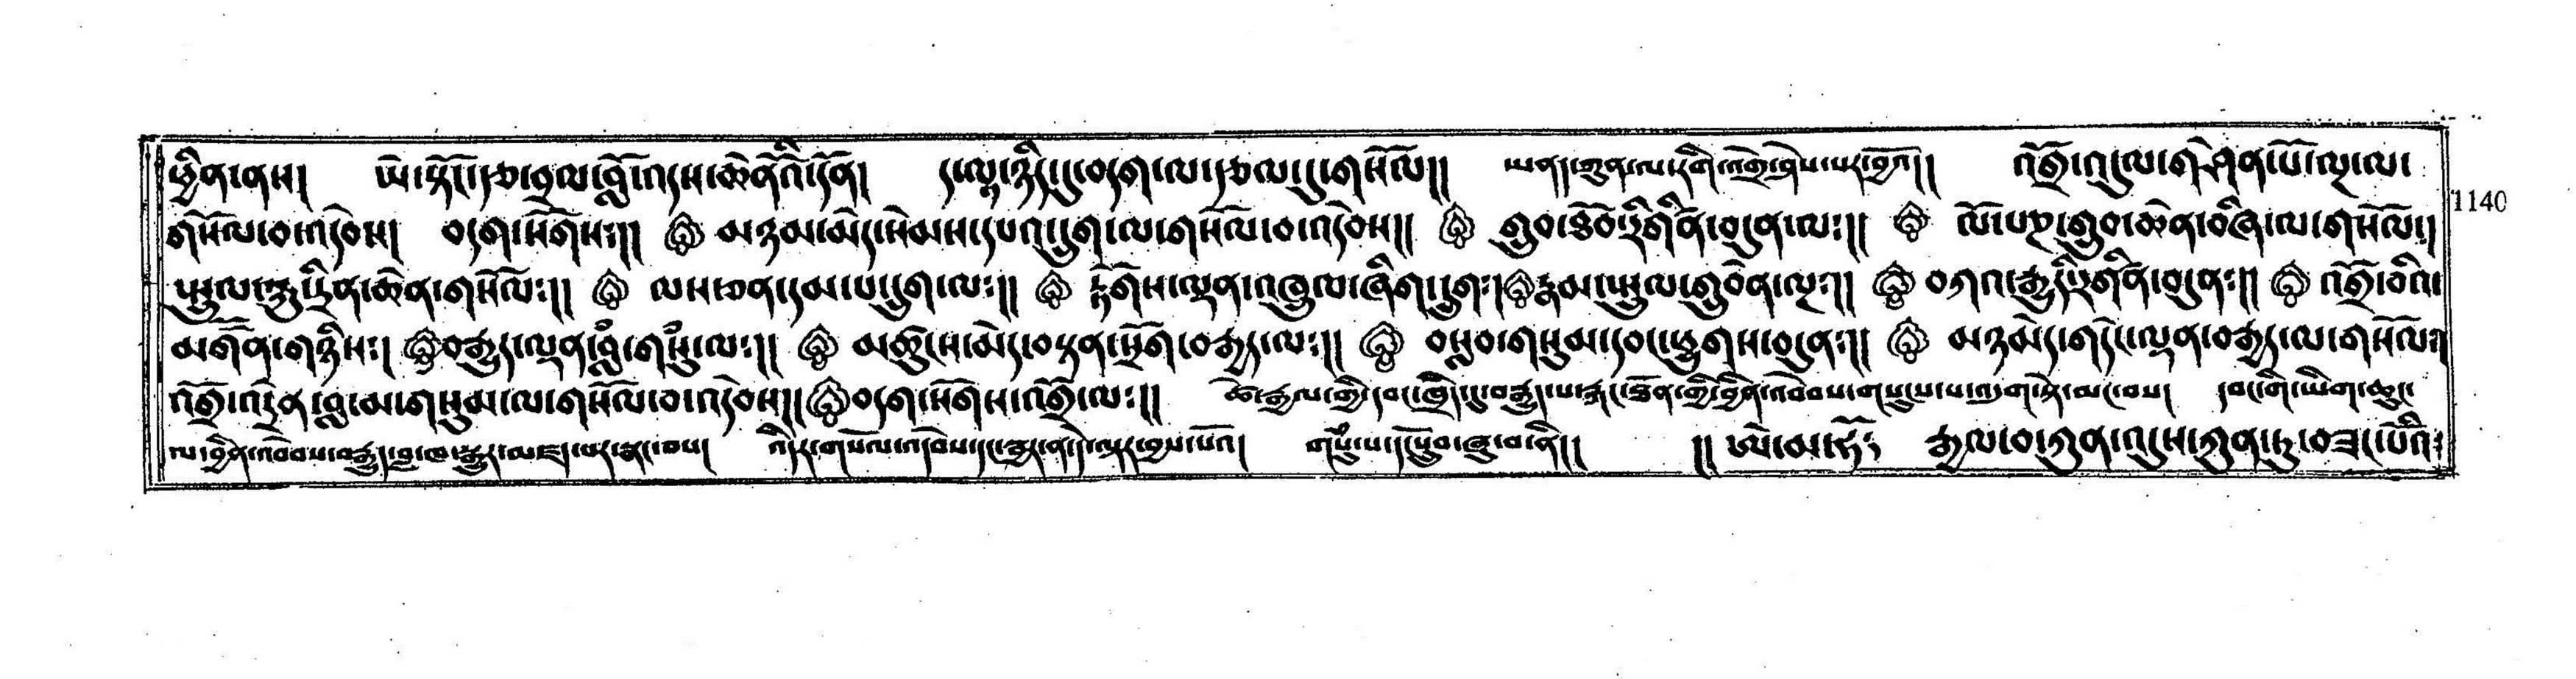ཕྱིན་ནས། ཡེ་སྟོང་རྩ་བྲལ་བློ་འདས་ཆེན་པོའི་དོན། ད་ལྟ་ཉིད་དུ་བདག་ལ་རྩལ་དུ་གསོལ།། ཡན་ཆད་ཀུན་ལ་རིག་འགྲོ་ཤེས་པར་བྱའོ།། འགྲོ་འདུལ་གཤེན་པོ་ལྔ་ལ་
གསོལ་བ་འདེབས། བདག་སོགས༴།། མཉམ་མེད་སེམས་དཔའ་དྲུག་ལ་གསོལ་བ་འདེབས།། གྲུབ་ཐོབ་རིག་འཛིན་བདུན་ལ༴།། ལོ་པཎ་གྲུབ་ཆེན་བཞི་ལ་གསོལ། 
སྤྲུལ་སྐུ་དྲིན་ཆེན་གསོལ༴།། ལས་ཅན་དམ་པ་དྲུག་ལ༴།། རྟོགས་ལྡན་འཁྲུལ་ཞིག་དྲུག༴། རྣམ་སྤྲུལ་གྲུབ་གཤེན་ལྔ༴།། བཀའ་རྒྱུད་རིག་འཛིན་བདུན༴།། འགྲོ་བའི་
མགོན་པོ་གཉིས༴། བརྒྱུད་ལྡན་བླ་མ་གསུམ་ལ༴།། མཚུངས་མེད་བསྟན་སྲོག་བརྒྱད་ལ༴།། བསླབ་གསུམ་དབང་ཕྱུག་བདུན༴།། མཉམ་མེད་གདེང་ལྡན་བརྒྱད་ལ་གསོལ༴།། 
འགྲོ་འདྲེན་བླ་མ་གསུམ་ལ་གསོལ་བ་འདེབས།། བདག་སོགས་འགྲོ་ལ༴།། ཚེ་རྒྱལ་གྱི་དབང་ཁྲིད་དུ་བརྒྱུད་པ་རྐང་ཐོན་གྱི་བྱིན་འབེབས་གསུངས་པ་འདུག་སྟེ་མང་བས། དབང་གི་ཡིག་ཆུང་
ལ་བྱིན་འབེབས་བརྒྱུད་བླ་ཁ་སྒྱུར་མཛད་པར་སྣང་བས། འདིར་གསོལ་འདེབས་དང་སྦྱར་ན་དེ་ལྟར་བྱས་པའོ། གསུམ་པ་དངོས་གྲུབ་ཞུ་བ་ནི།། །།ཨེ་མ་ཧོ རྒྱལ་བ་ཀུན་འདུས་ཀུན་ཏུ་བཟང་པོའི་